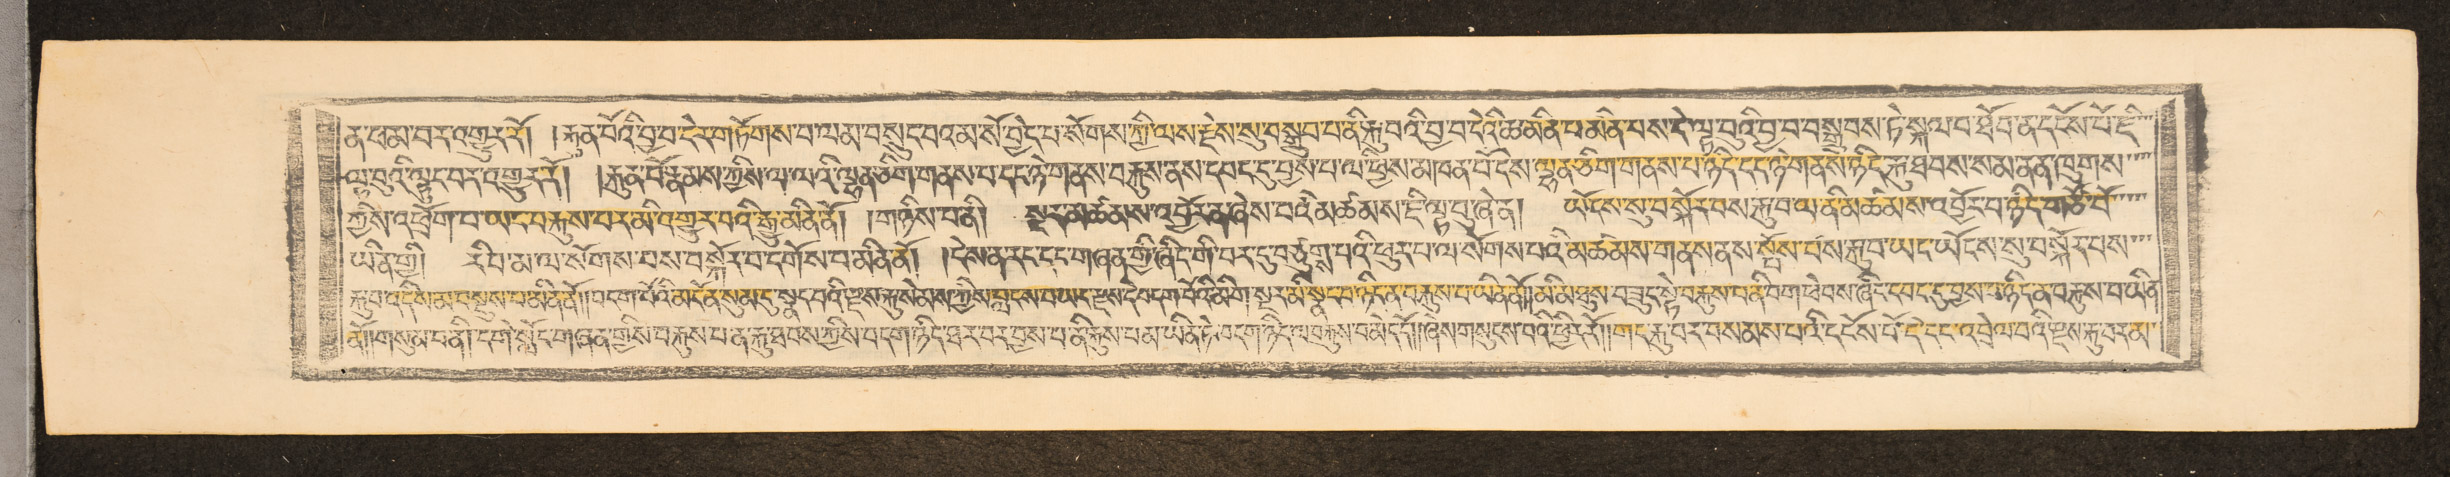ན་ཕམ་པར་འགྱུར་རོ། །རྐུན་པོའི་བྱ་བ་ངེར་གཏོགས་བ་ལམ་བསྲུང་བའམ་སོ་བྱེད་བ་སོགས་ཀྱི་ལས་རྗེས་སུ་བསྒྲུབ་པ་ནི་རྐུ་བའི་བྱ་བ་དེའི་ཆ་མིན་པ་མིན་པས་དེ་ལྟ་བུའི་བྱ་བ་བསྒྲུབས་ཏེ་སྐལ་བ་ཐོབ་ན་དངོས་པོ་ཇི་
ལྟ་བུའི་ལྟུང་བར་འགྱུར་རོ། །རྐུན་པོ་རྣམས་ཀྱིས་ལ་ལའི་ལྷན་ཅིག་གནས་པ་དང་ཉེ་གནས་བརྐུས་ནས་དབང་དུ་བྱས་པ་ལ་ཕྱིས་མཁན་པོ་དེས་ལྷན་ཅིག་གནས་པ་ཉིད་དང་ཉེ་གནས་ཉིད་རྐུ་ཐབས་སམ་ནན་ཁུགས་
ཀྱིས་འཕྲོག་པ་ཡང་བརྐུས་པར་མི་འགྱུར་བའི་རྒྱུ་མིན་ནོ། །གཉིས་པ་ནི། སྔར་མཚམས་འབྱོར་ན་ཞེས་པའི་མཚམས་ཇི་ལྟ་བུ་ཞེ་ན། ཡོངས་སུ་བསྐོར་བས་རྐུ་བ་ལ་ནི་མཚམས་འབྱོར་པ་ཉིད་གཙོ་བོ་
ཡིན་གྱི། རིབ་མ་ལ་སོགས་པས་བསྐོར་བ་དགོས་པ་མིན་ནོ། །དེས་ན་རང་དང་གཞན་གྱི་ཞིང་གི་བར་དུ་བཙུགས་པའི་ཕུར་པ་ལ་སོགས་པའི་མཚམས་གནས་ནས་སྤོས་པས་རྐུ་བ་ཡང་ཡོངས་སུ་བསྐོར་བས་
རྐུ་བ་འདིས་མ་བསྡུས་པ་མིན་ནོ། །བདག་པོའི་མངོན་སུམ་དུ་སྣང་བའི་རྫས་རྐུ་སེམས་ཀྱིས་བླངས་བ་ཡང་རྫས་དེ་བདག་པོའི་མིག་སྔར་མི་སྣང་བ་ཉིད་ན་བརྐུས་པ་ཡིན་ནོ། །མི་མཐུས་བཟུང་སྟེ་བརྐུས་པ་ནི་བག་ཕེབས་ཞིང་དབང་དུ་བྱས་པ་ཉིད་ན་བརྐུས་པ་ཡིན་
ནོ། །གསུམ་པ་ནི། དགེ་སློང་གཞན་གྱིས་བརྐུས་པ་ན་རྐུ་ཐབས་ཀྱིས་བདག་ཉིད་ཐར་བར་བྱས་པ་ནི་རྐུས་པ་མ་ཡིན་ཏེ། བདག་ཉིད་ལ་བརྐུས་པ་མེད་དོ། །ཞེས་གསུངས་པའི་ཕྱིར་རོ། །གང་རྐུ་བར་བསམས་པའི་དངོས་པོ་དེ་དང་འབྲེལ་བའི་རྫས་རྐུ་བར་མ་